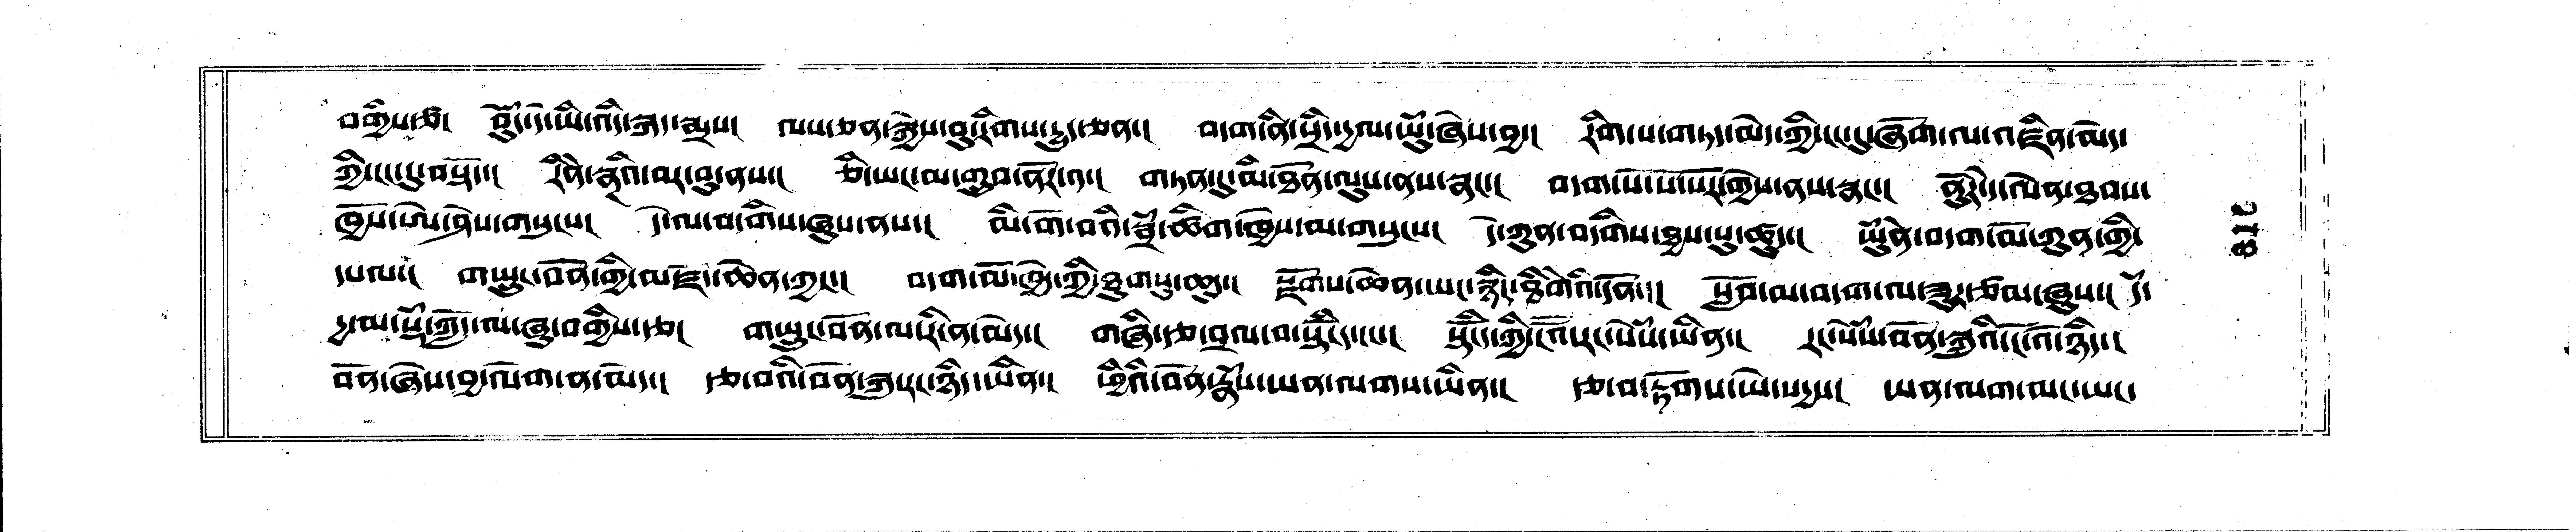བགྱིས་ཙ། །བུད་མེད་དེ་ཡིས་འདི་སྐད་སྨྲས། །ལས་ཅན་སྐྱེས་བུ་རིགས་རྒྱུད་ཅན། །བདག་ནི་སྲིད་རྒྱལ་ཡུམ་ཞེས་བྱ། །རིག་པ་གཏད་མེད་ཀྱི་ངང་དུ་ཞོག་ལ་འཛིན་མེད་
ཀྱི་ངང་དུ་སྡོད། རིན་ཆེན་སྣ་ལྔའི་བར་བུ་ནས། ཅི་ཡང་མ་གྲུབ་ནོར་ཞིག གཏན་དུ་མི་ཐོན་ལུས་ནས་སྣང་། བདག་པོ་སོ་སོར་གྱེས་ནས་སྣང་། ནོར་བུ་དེ་ལེན་ཐབས་
ཁྱོས་ཨེ་ཤེས་གསུངས། དེ་ལ་བདག་གིས་ཞུས་ནས། མི་གོ་བའི་སྦྲམ་ཚིག་ཁྱོས་མ་གསུངས། །དེ་ཀུན་བདག་གི་ཐུགས་སུ་ཚུད། །ཡུམ་ཆེན་བདག་མོ་ཀུན་གྱི་
དཔལ། །གཡུང་དྲུང་བོན་གྱི་མཛོད་ཆེན་ཀྱང་། །བདག་མོ་ཁྱེད་ཀྱི་ཐུགས་སུ་ཆུད། །རྫོགས་ཆེན་ཡང་སྙིང་ཐིག་ལེའི་དོན། །སློབ་མ་བདག་ལ་ཟུར་ཙམ་ཞུ། །དམ་
རྒྱ་མ་བསྡམས་ཀློད་ལ་ཞུ་བགྱིས་རྩ། །གཡུང་དྲུང་བོན་ལ་རང་བཞིན་མེད། །གཞི་རྩ་བྲལ་བ་སྟོང་ཉིད་ངང་། །སྟོང་ཉིད་ཀྱི་ངོའོ་རང་སེམས་ཡིན། །རང་སེམས་བོན་སྐུའི་ངོའོ་ཉིད། 
།བོན་ཞེས་བྱ་ལོགས་ན་མེད། །རྩ་བའི་བོན་སྐུ་རང་ཉིད་ཡིན། །ཕྱིའི་བོན་རྣམས་ཡན་ལག་ཡིན། །རྩ་བ་རྟོགས་༼ན༽ཡེ་སངས་རྒྱས། །ཡན་ལག་མང་ཡང་